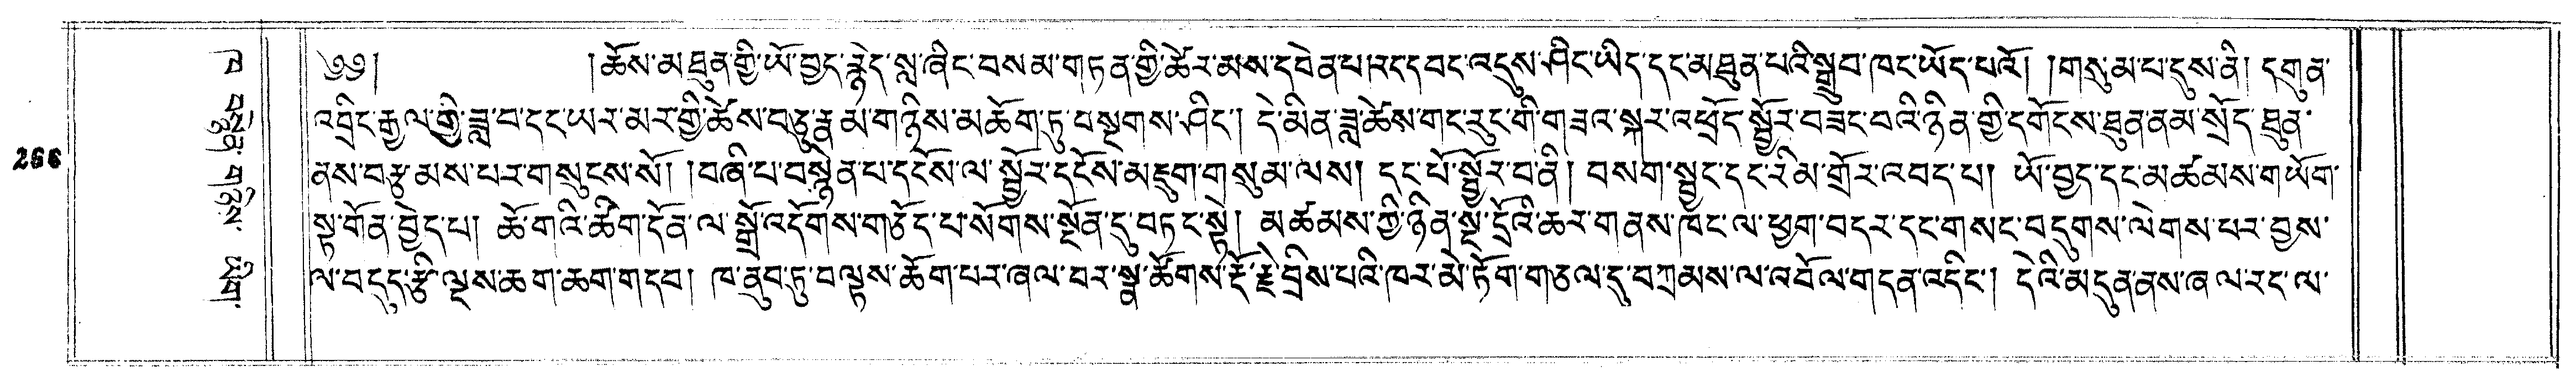༄༅། །ཆོས་མཐུན་གྱི་ཡོ་བྱད་རྙེད་སླ་ཞིང་བསམ་གཏན་གྱི་ཚེར་མས་དབེན་པ། རང་དབང་འདུས་ཤིང་ཡིད་དང་མཐུན་པའི་སྒྲུབ་ཁང་ཡོད་པའོ། །གསུམ་པ་དུས་ནི། དགུན་
འབྲིང་རྒྱལ་གྱི་ཟླ་བ་དང་ཡར་མར་གྱི་ཚེས་བཅུ་རྣམ་གཉིས་མཆོག་ཏུ་བསྔགས་ཤིང་། དེ་མིན་ཟླ་ཚེས་གང་རུང་གི་གཟའ་སྐར་འཕྲོད་སྦྱོར་བཟང་བའི་ཉིན་གྱི་དགོངས་ཐུན་ནམ་སྲོད་ཐུན་
ནས་བརྩམས་པར་གསུངས་སོ། །བཞི་པ་བསྙེན་པ་དངོས་ལ་སྦྱོར་དངོས་མཇུག་གསུམ་ལས། དང་པོ་སྦྱོར་བ་ནི། བསག་སྦྱང་དང་རིམ་གྲོར་འབད་པ། ཡོ་བྱད་དང་མཚམས་གཡོག་
སྟ་གོན་བྱེད་པ། ཆོ་གའི་ཚིག་དོན་ལ་སྒྲོ་འདོགས་གཅོད་པ་སོགས་སྔོན་དུ་བཏང་སྟེ། མཚམས་ཀྱི་ཉིན་སྔ་དྲོའི་ཆར་གནས་ཁང་ལ་ཕྱག་བདར་དང་གསང་བདུགས་ལེགས་པར་བྱས་
ལ་བདུད་རྩི་ལྔས་ཆག་ཆག་གདབ། ཁ་ནུབ་ཏུ་བལྟས་ཆོག་པར་ཞལ་བར་སྣ་ཚོགས་རྡོ་རྗེ་བྲིས་པའི་ཁར་མེ་ཏོག་གཅལ་དུ་བཀྲམས་ལ་འབོལ་གདན་འདིང་། དེའི་མདུན་ནས་ཞལ་རང་ལ་